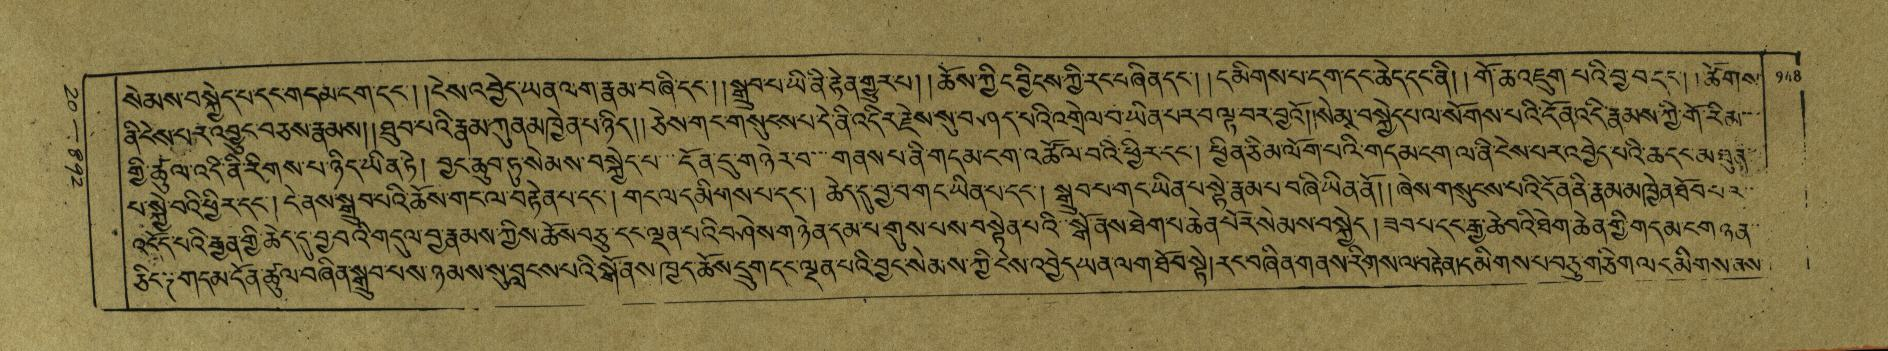སེམས་བསྐྱེད་པ་དང་གདམ་ངག་དང་། །ངེས་འབྱེད་ཡན་ལག་རྣམ་བཞི་དང་། །སྒྲུབ་པ་ཡི་ནི་རྟེན་གྱུར་པ། །ཆོས་ཀྱི་དབྱིངས་ཀྱི་རང་བཞིན་དང་། །དམིགས་པ་དག་དང་ཆེད་དང་ནི། །གོ་ཆ་འཇུག་པའི་བྱ་བ་དང་། ཚོགས་
ནི་ངེས་པར་འབྱུང་བཅས་རྣམས། །ཐུབ་པའི་རྣམ་ཀུན་མཁྱེན་པ་ཉིད། །ཅེས་གང་གསུངས་པ་དེ་ནི་འདིར་རྗེས་སུ་བཤད་པའི་འགྲེལ་བ་ཡིན་པར་བལྟ་བར་བྱའོ། །སེམས་བསྐྱེད་པ་ལ་སོགས་པའི་དོན་འདི་རྣམས་ཀྱི་གོ་རིམ་
གྱི་ཚུལ་འདི་ནི་རིགས་པ་ཉིད་ཡིན་ཏེ། བྱང་ཆུབ་ཏུ་སེམས་བསྐྱེད་པ་དོན་དུ་གཉེར་བ་གནས་པ་ནི་གདམ་ངག་འཚོལ་བའི་ཕྱིར་དང་། ཕྱིན་ཅི་མ་ལོག་པའི་གདམ་ངག་ལ་ནི་ངེས་པར་འབྱེད་པའི་ཆ་དང་མཐུན་
པ་སྐྱེ་བའི་ཕྱིར་དང་། དེ་ནས་སྒྲུབ་པའི་ཆོས་གང་ལ་བརྟེན་པ་དང་། གང་ལ་དམིགས་པ་དང་། ཆེད་དུ་བྱ་བ་གང་ཡིན་པ་དང་། སྒྲུབ་པ་གང་ཡིན་པ་སྟེ་རྣམ་པ་བཞི་ཡིན་ནོ། །ཞེས་གསུངས་པའི་དོན་ནི་རྣམ་མཁྱེན་ཐོབ་པར་
འདོད་པའི་རྒྱན་གྱི་ཆེད་དུ་བྱ་བའི་གདུལ་བྱ་རྣམས་ཀྱིས་ཆོས་བཅུ་དང་ལྡན་པའི་བཤེས་གཉེན་དམ་པ་གུས་པས་བསྟེན་པའི་སྒོ་ནས་ཐེག་པ་ཆེན་པོར་སེམས་བསྐྱེད་།ཟབ་པ་དང་རྒྱ་ཆེ་བའི་ཐེག་ཆེན་གྱི་གདམ་ངག་ཉན་
ཅིང༑ གདམ་དོན་ཚུལ་བཞིན་སྒྲུབ་པས་ཉམས་སུ་བླངས་པའི་སྒོ་ནས་ཁྱད་ཆོས་དྲུག་དང་ལྡན་པའི་བྱང་སེམས་ཀྱི་ངེས་འབྱེད་ཡན་ལག་ཐོབ་སྟེ། རང་བཞིན་གནས་རིགས་ལ་བརྟེན། དམིགས་པ་བཅུ་གཅིག་ལ་དམིགས་ནས་